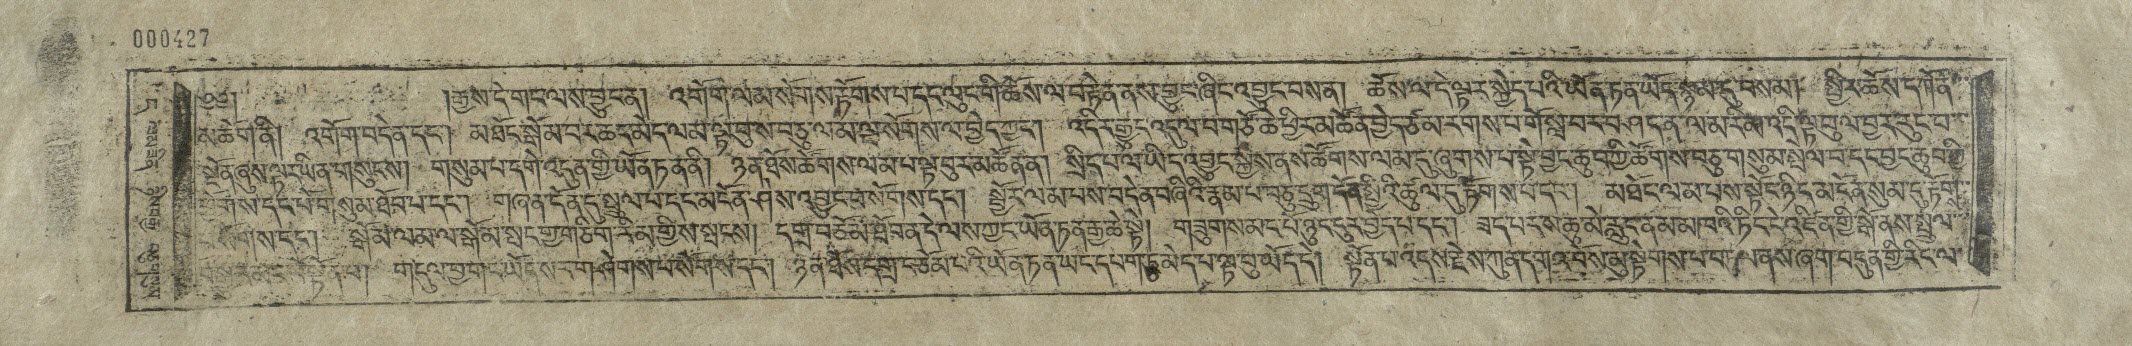༄༅། །རྒྱས་དེ་གང་ལས་བྱུང་ན། འགོག་ལམ་སོགས་རྟོགས་པ་དང་ལུང་གི་ཆོས་ལ་བརྟེན་ནས་བྱུང་ཞིང་འབྱུང་བས་ན། ཆོས་ལ་དེ་ལྟར་སྐྱེད་པའི་ཡོན་ཏན་ཡོད་སྙམ་དུ་བསམ། སྤྱིར་ཆོས་དཀོན་
མཆོག་ནི། འགོག་བདེན་དང་། མཐོང་སྒོམ་བར་ཆད་མེད་ལམ་ལྟ་བུ་ས་བཅུ་ལམ་ལྔ་སོགས་ལ་བྱེད་ཀྱང་། འདིར་རྒྱུད་འདུལ་བ་གཙོ་ཆེ་ཕྱིར་མཚོན་བྱེད་ཙམ་རགས་པ་གོ་སླ་བར་བཤད་ན་ལམ་རིམ་འདི་ལྟ་བུ་ལ་བྱར་རུང་བ་
སྔོན་ཞུས་ལྟར་ཡིན་གསུངས། གསུམ་པ་དགེ་འདུན་གྱི་ཡོན་ཏན་ནི། ཉན་ཐོས་ཚོགས་ལམ་པ་ལྟ་བུར་མཚོན་ན། སྲིད་པ་ལ་ཡིད་འབྱུང་སྐྱེས་ནས་ཚོགས་ལམ་དུ་ཞུགས་པ་སྟེ་བྱང་ཆུབ་ཀྱི་ཚོགས་བཅུ་གསུམ་སྤེལ་བ་དང་བྱང་ཆུབ་ཀྱི་
ཕྱོགས་དང་པོ་གསུམ་ཐོབ་པ་དང་། གཞན་དོན་དུ་སྤྲུལ་པ་དང་མངོན་ཤེས་འབྱུང་བ་སོགས་དང་། སྦྱོར་ལམ་པས་བདེན་བཞིའི་རྣམ་པ་བཅུ་དྲུག་དོན་སྤྱིའི་ཚུལ་དུ་རྟོགས་པ་དང་། མཐོང་ལམ་པས་སྟོང་ཉིད་མངོན་སུམ་དུ་རྟོགས་
པ་སོགས་དང་། སྒོམ་ལམ་ལ་སྒོམ་སྤང་གྱ་གཅིག་རིམ་གྱིས་སྤངས། དགྲ་བཅོམ་ཐོབ་ན་དེ་ལས་ཀྱང་ཡོན་ཏན་རྒྱ་ཆེ་སྟེ། གཟུགས་མང་པོ་ཉུང་ངུར་བྱེད་པ་དང་། ཟད་པར་ས་ཆུ་མེ་རླུང་ནམ་མཁའི་ཏིང་ངེ་འཛིན་གྱི་སྒོ་ནས་སྤྲུལ་
བསྒྱུར་མང་པོ་སྟོན་པ། གདུལ་བྱ་གང་ཡོད་སར་གཤེགས་པ་སོགས་དང་། ཉན་ཐོས་དགྲ་བཅོམ་པའི་ཡོན་ཏན་ཡང་དཔག་ཏུ་མེད་པ་ལྟ་བུ་ཡོད་དེ། སྟོན་པ་འདས་རྗེས་ཀུན་དགའ་བོས་མུ་སྟེགས་པ་བཏུལ་ནས་ཞག་བདུན་གྱི་རིང་ལ་